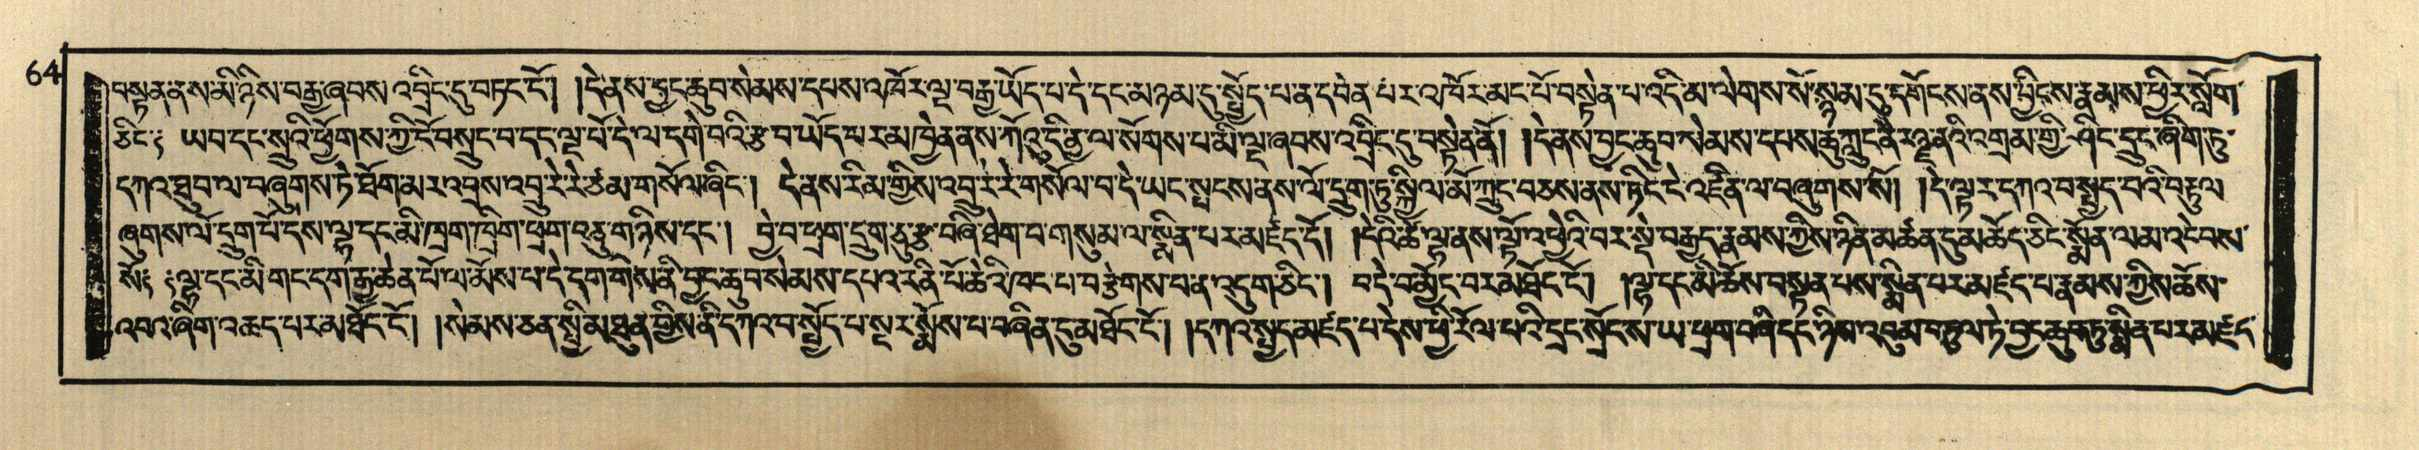བསྟན་ནས་མི་ཉིས་བརྒྱ་ཞབས་འབྲིང་དུ་བཏང་ངོ། །དེ་ནས་བྱང་ཆུབ་སེམས་དཔས་འཁོར་ལྔ་བརྒྱ་ཡོད་པ་དེ་དང་མཉམ་དུ་སྤྱོད་པ་ན་དབེན་པར་འཁོར་མང་པོ་བསྟེན་པ་འདི་མ་ལེགས་སོ་སྙམ་དུ་དགོངས་ནས་བྱིངས་རྣམས་ཕྱིར་སློག་
ཅིང༑ ཡབ་དང་སྲུའི་ཕྱོགས་ཀྱི་ངོ་བསྲུང་བ་དང་ལྔ་པོ་དེ་ལ་དགེ་བའི་རྩ་བ་ཡོད་པར་མཁྱེན་ནས་ཀོའུ་དི་ནྱ་ལ་སོགས་པ་མི་ལྔ་ཞབས་འབྲིང་དུ་བསྟེན་ནོ། །དེ་ནས་བྱང་ཆུབ་སེམས་དཔས་ཆུ་ཀླུང་ནཻ་རཉྫ་ནའི་འགྲམ་གྱི་ཤིང་དྲུང་ཞིག་ཏུ་
དཀའ་ཐུབ་ལ་བཞུགས་ཏེ་ཐོག་མར་འབྲས་འབྲུ་རེ་རེ་ཙམ་གསོལ་ཞིང་། དེ་ནས་རིམ་གྱིས་འབྲུ་རེ་རེ་གསོལ་བ་དེ་ཡང་སྤངས་ནས་ལོ་དྲུག་ཏུ་སྐྱིལ་མོ་ཀྲུང་བཅས་ནས་ཏིང་ངེ་འཛིན་ལ་བཞུགས་སོ། །དེ་ལྟར་དཀའ་བ་སྤྱད་བའི་བརྟུལ་
ཞུགས་ལོ་དྲུག་པོ་དེས་ལྷ་དང་མི་ཁྲག་ཁྲིག་ཕྲག་བཅུ་གཉིས་དང་། བྱེ་བ་ཕྲག་དྲུག་ཅུ་རྩ་བཞི་ཐེག་པ་གསུམ་ལ་སྨིན་པར་མཛད་དོ། །དེའི་ཚེ་ལྷ་ནས་ལྟོ་འཕྱེའི་བར་སྡེ་བརྒྱད་རྣམས་ཀྱིས་ཉིན་མཚན་དུ་མཆོད་ཅིང་སྨོན་ལམ་འདེབས་
སོ༑ ༑ལྷ་དང་མི་གང་དག་རྒྱ་ཆེན་པོ་ལ་མོས་པ་དེ་དག་གིས་ནི་བྱང་ཆུབ་སེམས་དཔའ་རིན་པོ་ཆེའི་ཁང་པ་བརྩེགས་བ་ན་འདུག་ཅིང་། བདེ་བ་མྱོང་བར་མཐོང་ངོ། །ལྷ་དང་མི་ཆོས་བསྟན་པས་ཟྶྨིན་པར་མཛད་པ་རྣམས་ཀྱིས་ཆོས་
འབའ་ཞིག་འཆད་པར་མཐོང་ངོ། །སེམས་ཅན་སྤྱི་མཐུན་གྱིས་ནི་དཀའ་བ་སྤྱོད་པ་སྔར་སྨོས་པ་བཞིན་དུ་མཐོང་ངོ། །དཀའ་སྤྱད་མཛད་པ་དེས་ཕྱི་རོལ་པའི་དྲང་སྲོང་ས་ཡ་ཕྲག་བཞི་དང་ཉིས་འབུམ་བཏུལ་ཏེ་བྱང་ཆུབ་ཏུ་སྨིན་པར་མཛད་